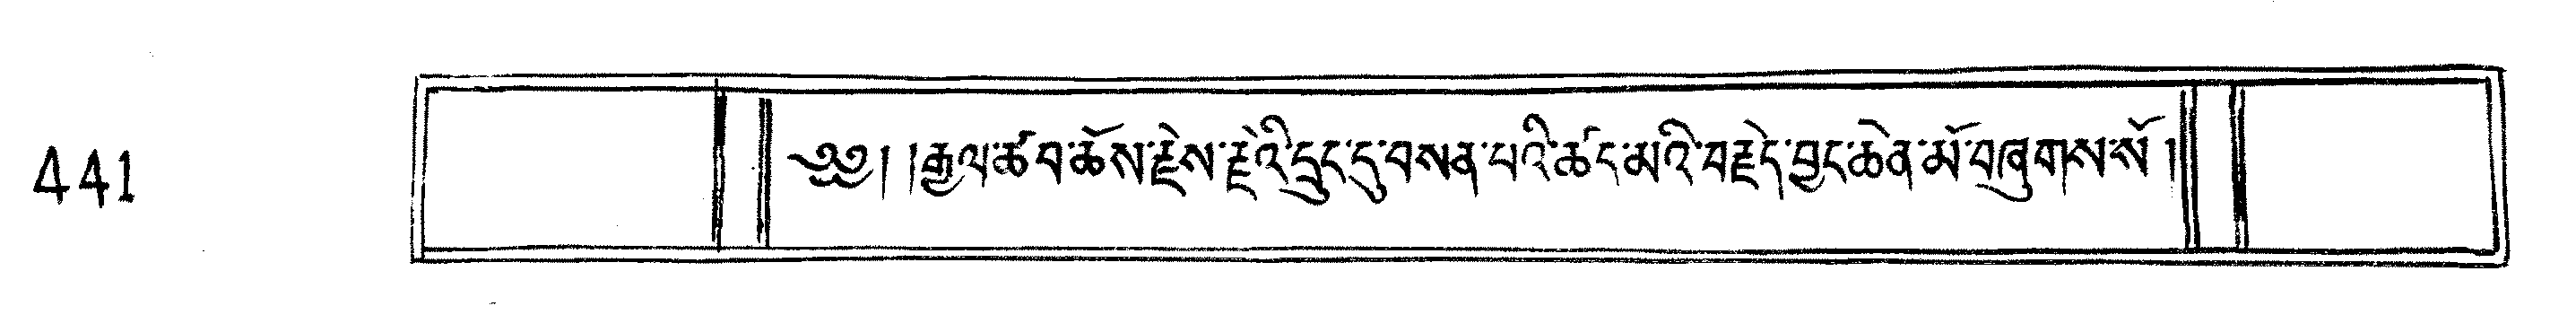༄༅། །རྒྱལ་ཚབ་ཆོས་རྗེས་རྗེའི་དྲུང་དུ་བསན་བའི་ཚད་མའི་བརྗེད་བྱང་ཆེན་མོ་བཞུགས་སོ། །